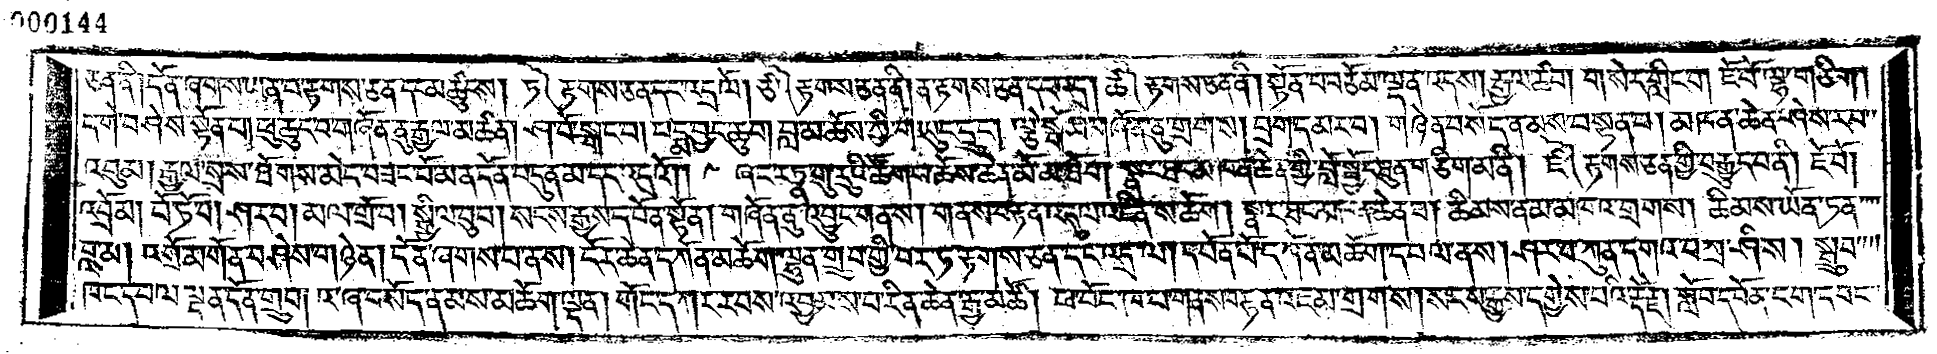ཅན་ནི། དོན་ཞགས་ཡན་བ་རྟགས་ཅན་དང་མཚུངས། ཏོ༑ རྟགས་ཅན་དང་འདྲ་ལོ། ཙ༼་རྟགས་ཅན་ནི། ན་རྟགས་ཅན་དང་འདྲ། ཚ༽ རྟགས་ཅན་ནི། སྟོན་པ་བཅོམ་ལྡན་འདས། རྒྱལ་ཚབ། གསེར་གླིང་བ། ཇོ་བོ་ལྷ་གཅིག །
དགེ་བཤེས་སྟོན་པ། ཕུ་ཆུང་བ་གཞོན་ནུ་རྒྱལ་མཚན། ཤ་བོ་སྒང་བ། པདམ་བྱང་ཆུབ། བླ་མ་ཆོས་ཀྱི་གཡུང་དྲུང་། ལྕེ་སྒོམ་གཞོན་ནུ་གྲགས། བྲག་དམར་བ། གཞེན་བསོད་ནམས་བསྟན་པ། མཁན་ཆེན་ཤེས་རབ་
འབུམ། རྒྱལ་སྲས་ཐོགས་མེད་བཟང་པོ་མན་དོན་བདུན་མ་དང་འདྲའོ།། ༈ ཞང་རཏྣ་གུ་རུའི་ཚོགས་ཆོས་ཆེན་མོ་མ་ཐོབ། སྣར་ཐང་མཁན་ཆེན་གྱི་བློ་སྦྱོང་ཐུན་གཅིག་མ་ནི། ཛ་རྟགས་ཅན་གྱི་བརྒྱུད་པ་ནི། ཇོ་བོ།
འབྲོམ། བོ་ཏོ་བ། ཤར་བ། མལ་གྲོ་བ། སྒྱི་ལ་བུབ། སངས་རྒྱས་དབོན་སྟོན། གཞོན་ནུ་འབྱུང་གནས། གནས་བརྟན་འདུལ་འཛིན་ས་ཆོག །སྣར་ཐང་མཁན་ཆེན་པ། ཆིམས་ནམ་མཁའ་འགྲགས། ཆིམས་ཡོན་ཏན་
བླ་མ། འགྲོ་མགོན་བཤེས་གཉེན། དོན་ཞགས་པ་ནས། ངོར་ཆེན་དཀོན་མཆོག་ལྷུན་གྲུབ་གྱི་བར་ཏ་རྟགས་ཅན་དང་འདྲ་ལ། དབོན་པོ་དཀོན་མཆོག་དཔལ་ནས། ཤར་བ་ཀུན་དགའ་བཀྲ་ཤིས། སྒྲུབ་
ཁང་དཔལ་ལྡན་དོན་གྲུབ། འ་ཞ་བསོད་ནམས་མཆོག་ལྡན། གོང་དཀར་རབས་འབྱམས་པ་རིན་ཆེན་རྒྱ་མཚོ། ཕ་བོང་ཁ་པ་གནས་བརྟན་འཇམ་གྲགས། སངས་རྒྱས་དགྱེས་པའི་རེད། སློབ་དཔོན་ངག་དབང་